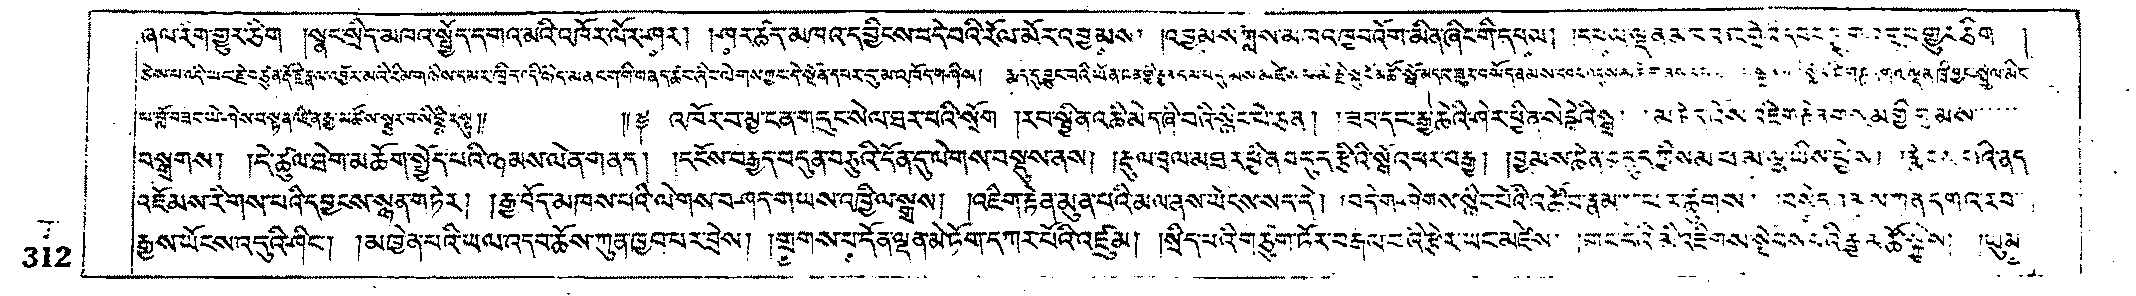ཞལ་རིག་གྱུར་ཅིག །སྣང་སྲིད་མཁའ་སྤྱོད་དགའ་མའི་འཁོར་ལོར་ཤར྾། །ཤར྾་ཚད་མཁའ་དབྱིངས་བདེ་བའི་རོལ་མོར་འབྱམས྾། །འབྱམས྾་ཀླས་མཁའ་ཁྱབ་འོག་མིན་ཞིང་གི་དཔལ྾། །དཔལ྾་ལྡན་མཁའ་འགྲོའི་དབང་ཕྱུག་འགྲུབ་གྱུར་ཅིག །
ཅེས་པ་འདི་ཡང་རྗེ་བཙུན་རྡོ་རྗེ་རྣལ་འབྱོར་མའི་རིམ་གཉིས་དམར་ཁྲིད་འདི་ཉིད་མན་ངག་གི་གནད་ཚང་ཞིང་ལེགས་ཀྱང་དེ་སྔོན་དཔར་དུ་མ་འཁོད་གཤིས། རྨད་དུ་བྱུང་བའི་ཡོན་ཏན་གྱི་རྒྱན་དམ་པ་དུ་མས་མཛེས་པ་མི་རྗེ་སྐུ་ངོ་མཚོ་སྒོ་མདའ་ཟུར་བསོད་ནམས་དབང་འདུས་མཆོག་ནས་དབང་དུ་བསྐྲན་བའི་སྨོན་ཚིག་གན་དགའ་ལྡན་ཁྲི་བྱང་སྤྲུལ་མིང་
པ་བློ་བཟང་ཡེ་ཤེས་བསྟན་འཛིན་རྒྱ་མཚོས་སྦྱར་བ་སིདྡྷི་རྶྟུ།། །། འ་འཁོར་བ་མྱ་ངན་གདུང་སེལ་ཐར་པའི་སྲོག །རབ་སྦྱིན་འཆི་མེད་ཞི་བའི་སྙིང་པོ་ཅན། །ཟབ་དང་རྒྱ་ཆེའི་ཤེར་ཕྱིན་སེངྒེའི་སྒྲ། །མཆོད་འོས་འཇིག་རྟེན་གསུམ་གྱི་བླ་མས་་་
བསྒྲགས། །དེ་ཚུལ་ཐེག་མཆོག་སྤྱོད་པའི་ཉམས་ལེན་གནད། །དངོས་བརྒྱད་བདུན་བཅུའི་དོན་དུ་ལེགས་བསྡུས་ནས། །རྡུལ་བྲལ་མཐར་ཕྱིན་བདུད་རྩིའི་སྒོ་འཕར་བརྒྱ། །བྱམས་ཆེན་བདུད་ཀྱིས་མ་ཕམ་ལྷ་ཡིས་ཕྱིས། །རྨོངས་པའི་ནད་
འཇོམས་རིགས་པའི་དབྱངས་སྙན་གཏེར། །རྒྱ་བོད་མཁས་པའི་ལེགས་བཤད་གཡས་འཁྱིལ་སྒྲས། །འཇིག་རྟེན་མུན་པའི་མལ་ནས་ཡོངས་སད་དེ། །བདེ་གཤེགས་སྙིང་པོའི་འཚོ་བ་རྣམ་་་པར་ཚུགས། །བསོད྾་ནམས་ཀུན་དགའ་རབ་་་
རྒྱས་ཡོངས་འདུའི་ཤིང་། །མཁྱེན་པའི་ཡལ་འདབ་ཆོས་ཀུན་ཁྱབ་པར་བྲེས། །གྲགས྾་པ྾་དོན་ལྡན་མེ་ཏོག་དཀར་པོའི་འཛུམ། །སྲིད་པའི་གཙུག་ཏོར་བརྒལ་བའི་རྩེར་ཡང་མཛེས། །གང་དེའི་མི་འཇིགས་སྤོབས་བའི་རྒྱ་མཚོ་སྐྱེས། །ཡུམ་